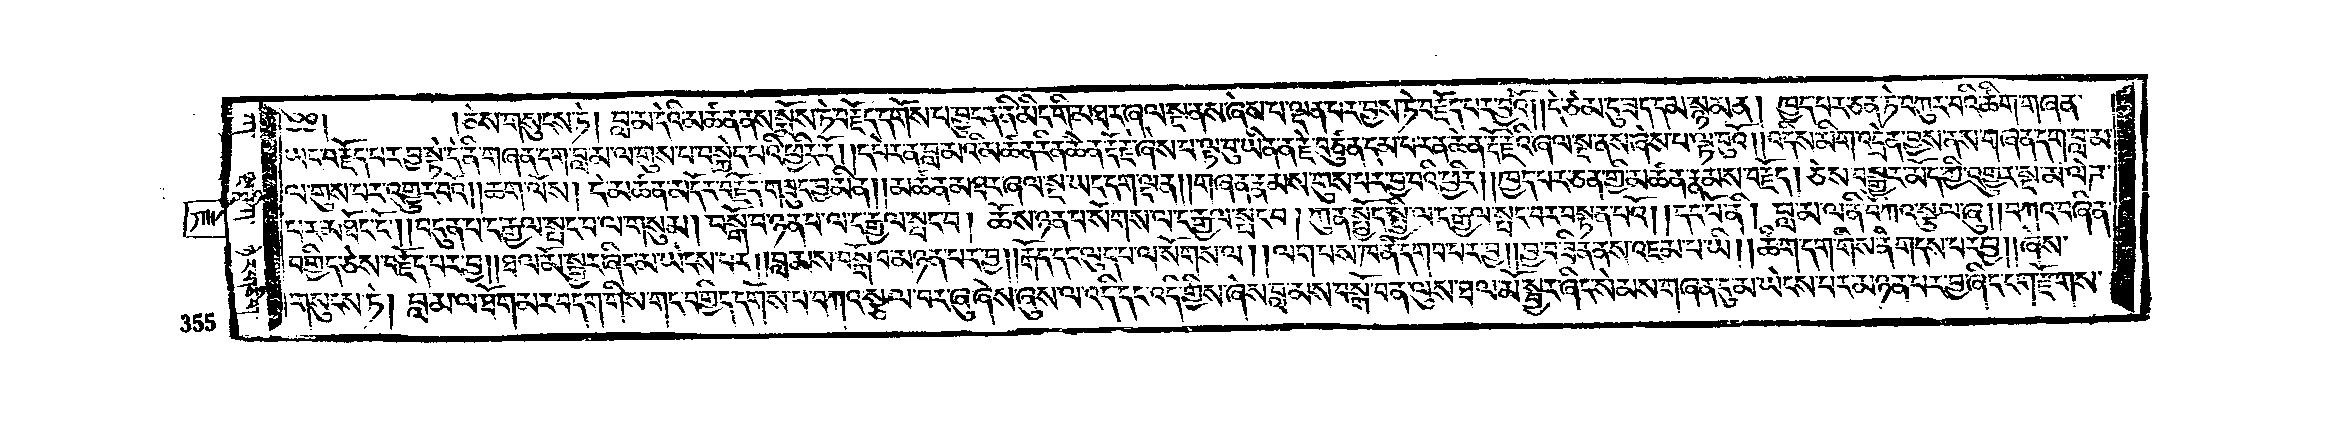༄༅། །ཅེས་གསུངས་ཏེ། བླ་མ་དེའི་མཚན་ནས་སྨོས་ཏེ་བརྗོད་དགོས་པ་བྱུང་ན་ནི་མིང་གི་མཐར་ཞལ་སྔ་ནས་ཞེས་པ་ལྡན་པར་བྱས་ཏེ་བརྗོད་པར་བྱའོ། །དེ་ཙམ་དུ་ཟད་དམ་སྙམ་ན། ཁྱད་པར་ཅན་ཏེ་བཀུར་བའི་ཚིག་གཞན་
ཡང་བརྗོད་པར་བྱ་སྟེ་དེ་ནི་གཞན་དག་བླ་མ་ལ་གུས་པ་བསྐྱེད་པའི་ཕྱིར་རོ། །དཔེར་ན་བླ་མའི་མཚན་རིན་ཆེན་རྡོ་རྗེ་ཞེས་པ་ལྟ་བུ་ཡིན་ན་རྗེ་བཙུན་དམ་པ་རན་ཆེན་རྡོ་རྗེའི་ཞལ་སྔ་ནས་ཞེས་པ་ལྟ་བུའོ། །འདིས་མིག་འདྲེན་བྱས་ནས་གཞན་དག་བླ་མ་
ལ་གུས་པར་འགྱུར་བའོ། །ཆག་ལོས། དེ་མཚན་མདོར་བརྗོད་གཟུང་བྱ་མིན། །མཚན་མཐར་ཞལ་སྔ་ཡང་དག་ལྡན། །གཞན་རྣམས་གུས་པར་བྱ་བའི་ཕྱིར། །ཁྱད་པར་ཅན་གྱི་མཚན་རྣམས་བརྗོད། ཅེས་བསྒྱུར་མོད་ཀྱི་འགྱུར་སྔ་མ་ལེཌ་
པར་མཐོང་ངོ། །བདུན་པ་ང་རྒྱལ་སྤང་བ་ལ་གསུམ། བསྒོ་བ་ཉན་པ་ལ་ང་རྒྱལ་སྤང་བ། ཆོས་ཉན་པ་སོགས་ལ་ང་རྒྱལ་སྤང་བ། ཀུན་སྤྱོད་སྤྱི་ལ་ང་རྒྱལ་སྤང་བར་བསྟན་པའོ། །དང་པོ་ནི། བླ་མ་ལ་ནི་བཀའ་སྩལ་ཞུ། །བཀའ་བཞིན་
བགྱིད་ཅེས་བརྗོད་པར་བྱ། །ཐལ་མོ་སྦྱར་ཞིང་མ་ཡེངས་པར། །བླ་མས་བསྒོ་བ་མཉན་པར་བྱ། །རྒོད་དང་ལུད་པ་ལ་སོགས་ལ། །ལག་པས་ཁ་ནི་དགབ་པར་བྱ། །བྱ་བ་ཟིན་ནས་འཇམ་པ་ཡི། །ཚིག་དག་གིས་ནི་གདས་པར་བྱ། །ཞེས་
གསུངས་ཏེ། བླ་མ་ལ་ཐོག་མར་བདག་གིས་གང་བགྱིད་དགོས་པ་བཀའ་སྩལ་བར་ཞུ་ཞེས་ཞུས་ལ་འདི་དང་འདི་གྱིས་ཞེས་བླ་མས་བསྒོ་བ་ན་ལུས་ཐལ་མོ་སྦྱར་ཞིང་སེམས་གཞན་དུ་མ་ཡེངས་པར་མཉན་པར་བྱ་ཞིང་ངག་རྫོགས་